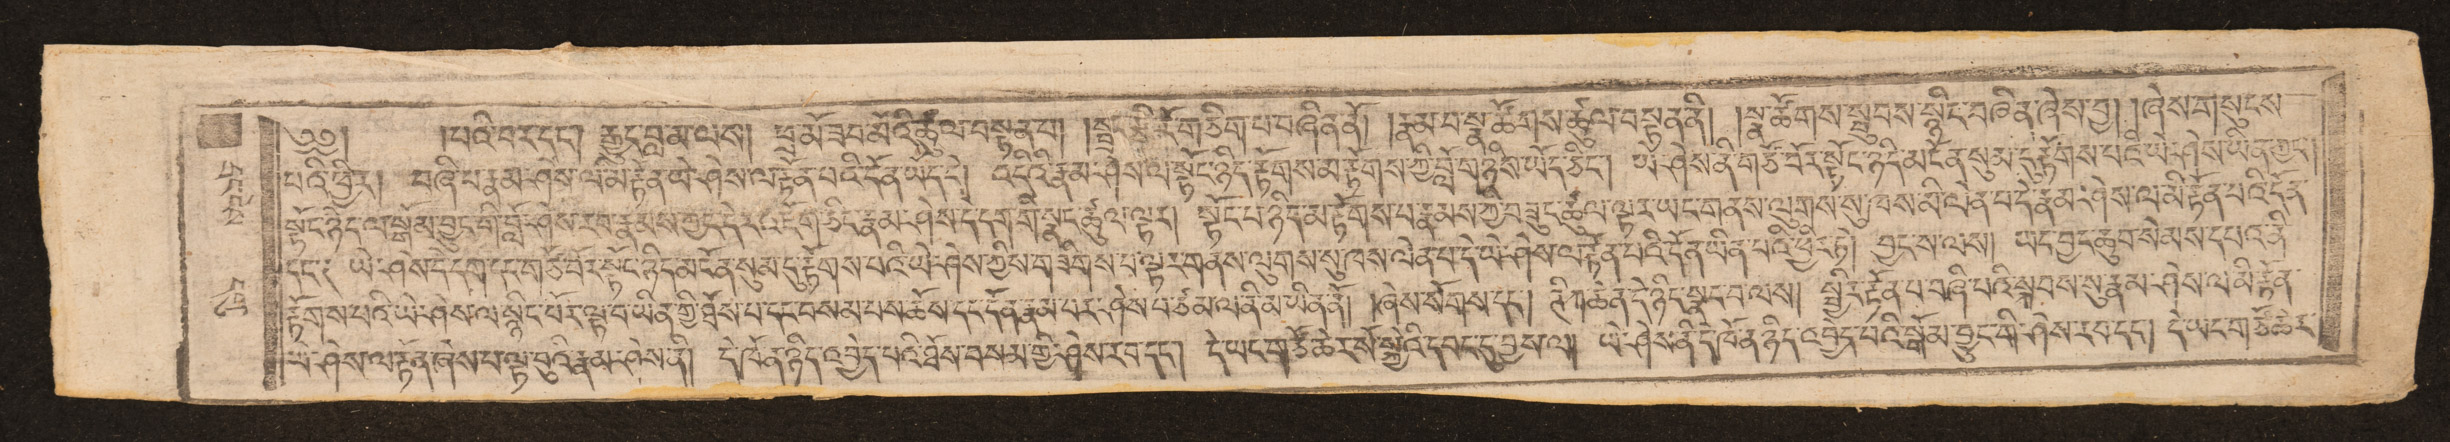༄༅། །པའི་བར་དང་། རྒྱུད་བླ་མ་ལས། ཕྲ་མོ་ཟབ་མོའི་ཚུལ་བསྟན་པ། །སྤྲང་རྩི་རོ་གཅིག་པ་བཞིན་ནོ། །རྣམ་པ་སྣ་ཚོགས་ཚུལ་བསྟན་ནི། །སྣ་ཚོགས་སྦུབས་སྙིང་བཞིན་ཞེས་བྱ། །ཞེས་གསུངས་
པའི་ཕྱིར། བཞི་བ་རྣམ་ཤེས་ལ་མི་རྟོན་ཡེ་ཤེས་ལ་རྟོན་པའི་དོན་ཡོད་དེ། འདིའི་རྣམ་ཤེས་ལ་སྟོང་ཉིད་རྟོགས་མ་རྟོགས་ཀྱི་བློ་གཉིས་ཡོད་ཅིང་། ཡེ་ཤེས་ནི་གཙོ་བོར་སྟོང་ཉིད་མངོན་སུམ་དུ་རྟོགས་པའི་ཡེ་ཤེས་ཡིན་ཀྱང་
སྟོང་ཉིད་ལ་སྒོམ་བྱུང་གི་བློ་ཤེས་རབ་རྣམས་ཀྱང་དེར་འཇོག་ཅིང་རྣམ་ཤེས་དེ་དག་གི་སྣང་ཚུལ་ལྟར། སྟོང་བ་ཉིད་མ་རྟོགས་པ་རྣམས་ཀྱི་བཟུང་ཚུལ་ལྟར་ཡང་གནས་ལུགས་སུ་ཁས་མི་ལེན་པ་དེ་རྣམ་ཤེས་ལ་མི་རྟོན་པའི་དོན་
དང༑ ཡེ་ཤེས་དེ་དག་དང་གཙོ་བོར་སྟོང་ཉིད་མངོན་སུམ་དུ་རྟོགས་པའི་ཡེ་ཤེས་ཀྱིས་གཟིགས་པ་ལྟར་གནས་ལུགས་སུ་ཁས་ལེན་པ་དེ་ཡེ་ཤེས་ལ་རྟོན་པའི་དོན་ཡིན་པའི་ཕྱིར་ཏེ། བྱང་ས་ལས། ཡང་བྱང་ཆུབ་སེམས་དཔའ་ནི་
རྟོགས་པའི་ཡེ་ཤེས་ལ་སྙིང་པོར་ལྟ་བ་ཡིན་གྱི་ཐོས་པ་དང་བསམ་པས་ཆོས་དང་དོན་རྣམ་པར་ཤེས་པ་ཙམ་ལ་ནི་མ་ཡིན་ནོ། །ཞེས་སོགས་དང་། ཊིཀ་ཆེན་དེ་ཉིད་སྣང་བ་ལས། སྤྱིར་རྟོན་པ་བཞི་བའི་སྐབས་སུ་རྣམ་ཤེས་ལ་མི་རྟོན་
ཡེ་ཤེས་ལ་རྟོན་ཞེས་པ་ལྟ་བུའི་རྣམ་ཤེས་ནི། དེ་ཁོ་ན་ཉིད་འབྱེད་པའི་ཐོས་བསམ་གྱི་ཤེས་རབ་དང་། དེ་ཡང་གཙོ་ཆེར་སོ་སྐྱེའི་དབང་དུ་བྱས་ལ། ཡེ་ཤེས་ནི་དེ་ཁོ་ན་ཉིད་འབྱེད་པའི་སྒོམ་བྱུང་གི་ཤེས་རབ་དང་། དེ་ཡང་གཙོ་ཆེར་